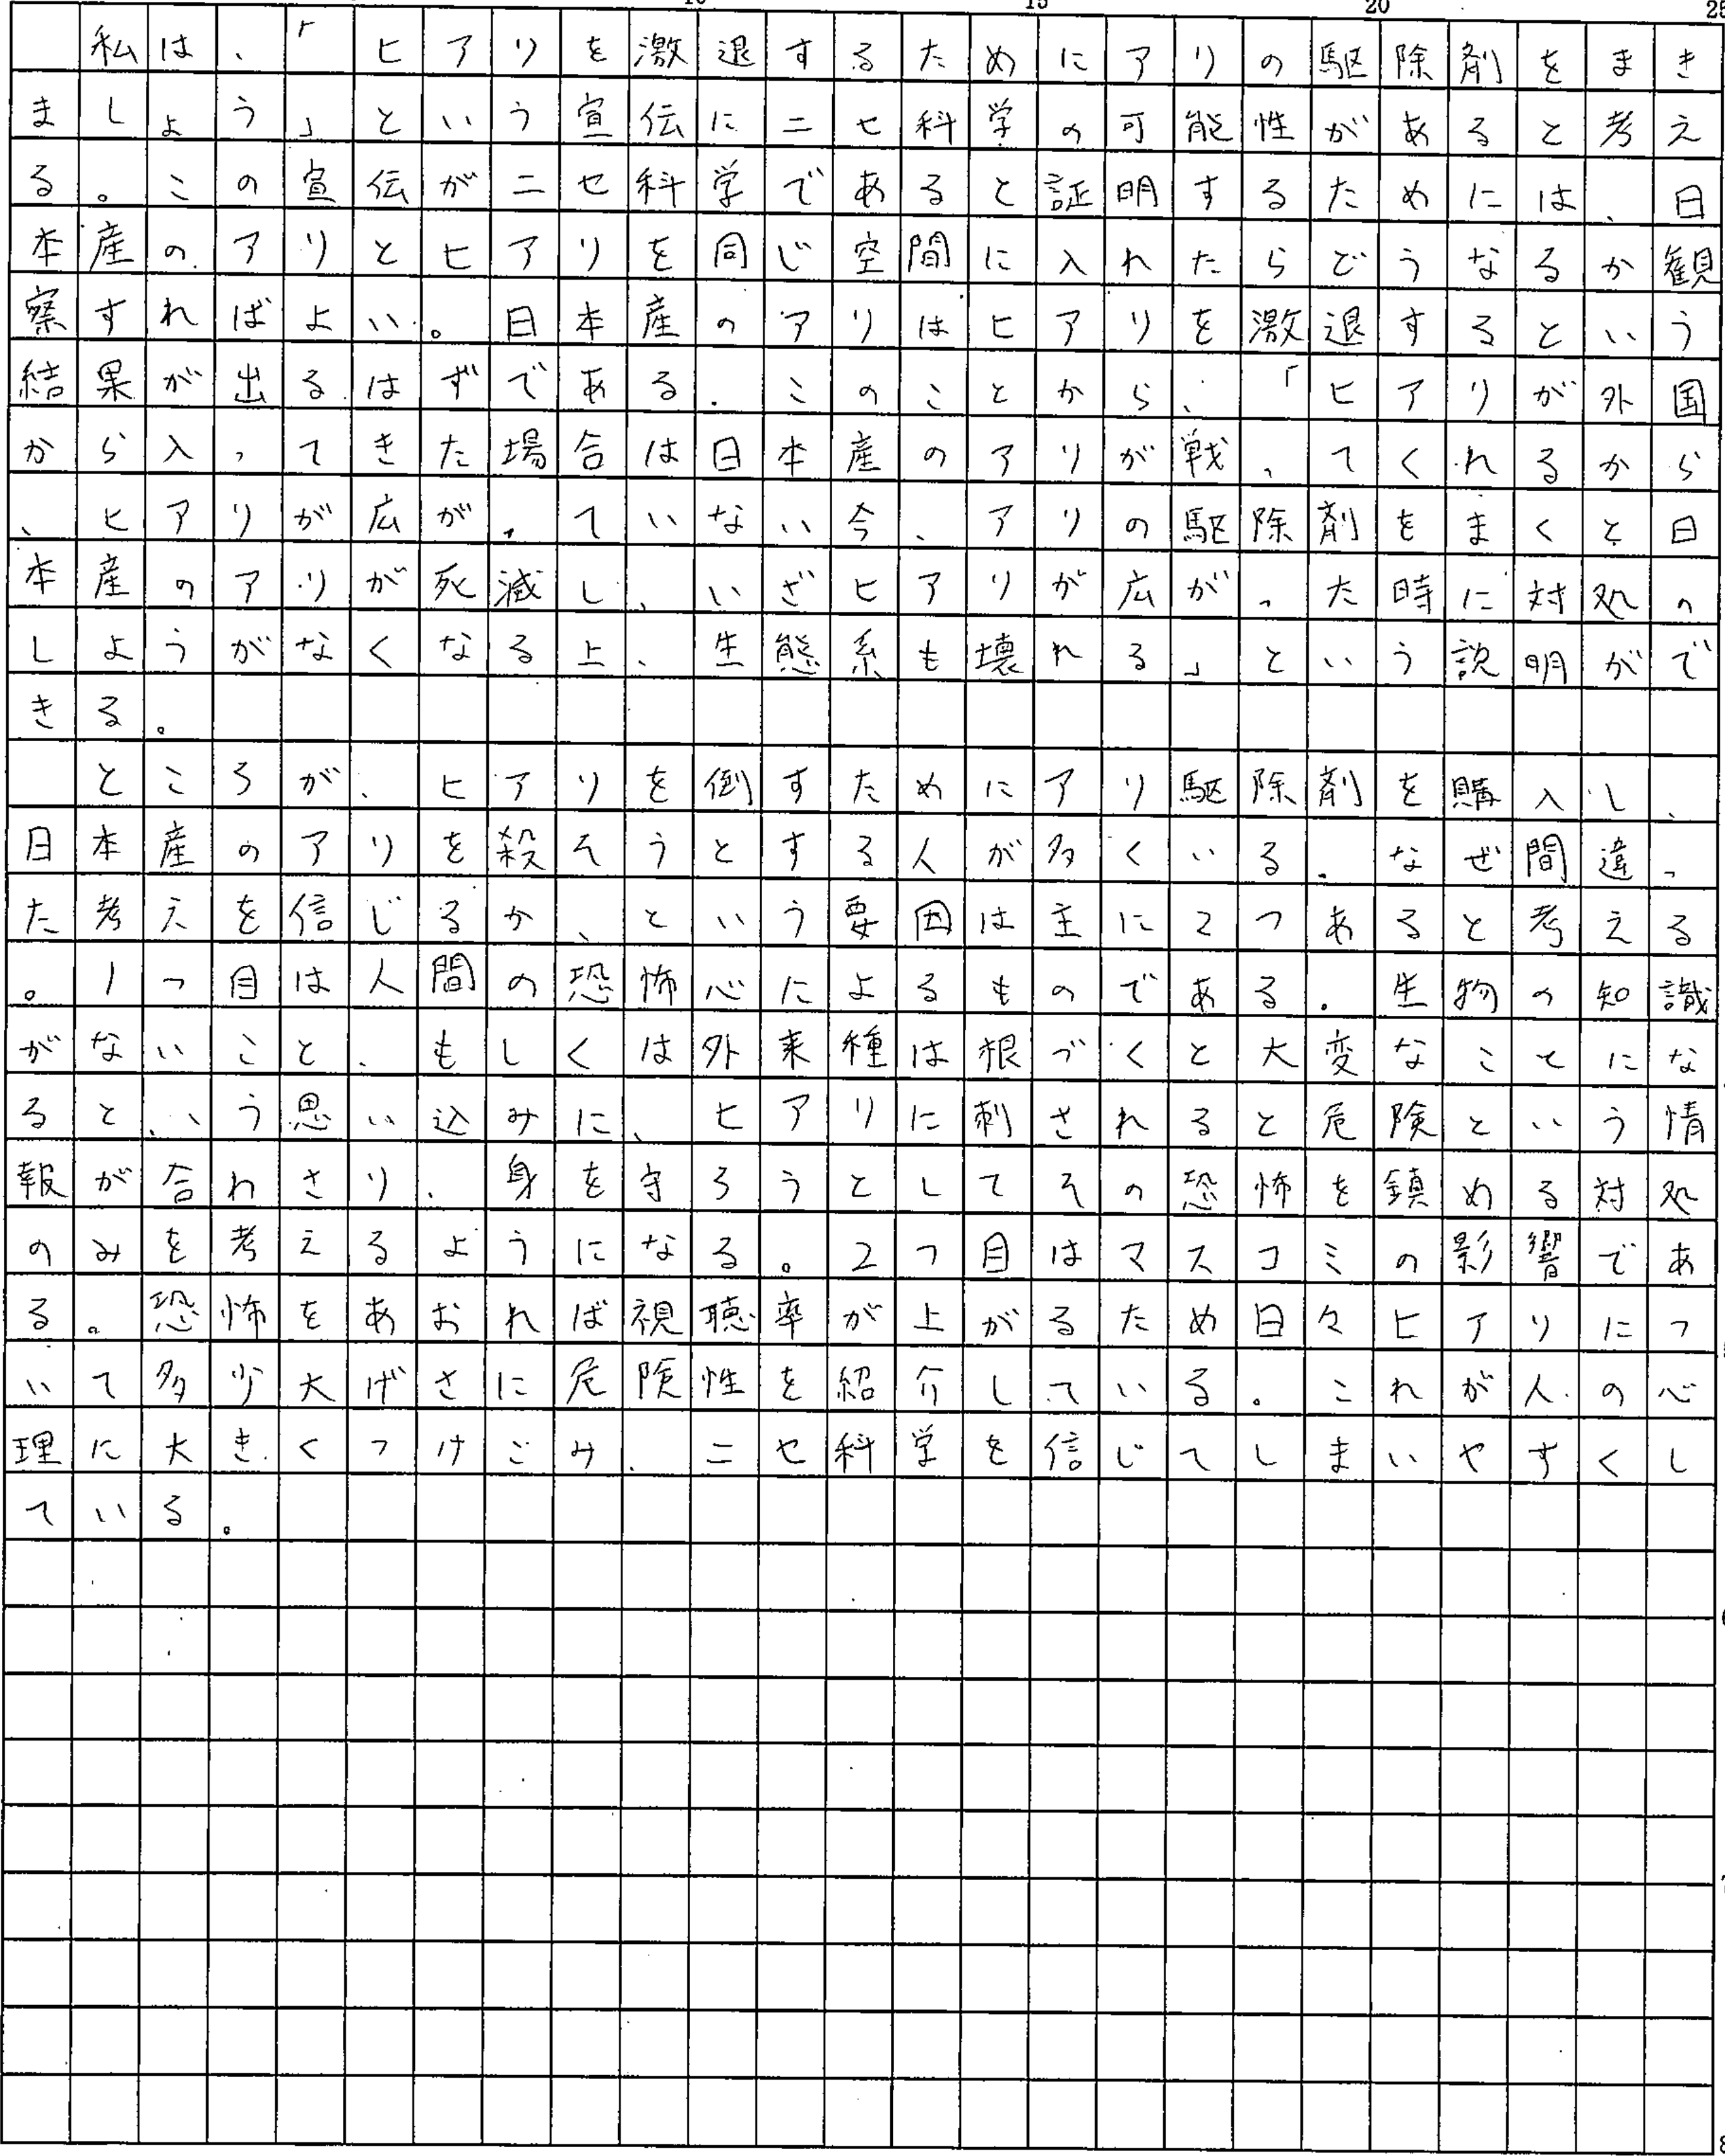　私は、「ヒアリを激退するためにアリの駆除剤をまきましょう」という宣伝にニセ科学の可能性があると考える。この宣伝がニセ科学であると証明するためには、日本産のアリとヒアリを同じ空間に入れたらどうなるか観察すればよい。日本産のアリはヒアリを激退するという結果が出るはずである。このことから、「ヒアリが外国から入ってきた場合は日本産のアリが戦ってくれるから、ヒアリが広がっていない今、アリの駆除剤をまくと日本産のアリが死滅し、いざヒアリが広がった時に対処のしようがなくなる上、生態系も壊れる」という説明ができる。
　ところが、ヒアリを倒すためにアリ駆除剤を購入し、日本産のアリを殺そうとする人が多くいる。なぜ間違った考えを信じるか、という要因は主に２つあると考える。１つ目は人間の恐怖心によるものである。生物の知識がないこと、もしくは外来種は根づくと大変なことになるという思い込みに、ヒアリに刺されると危険という情報が合わさり、身を守ろうとしてその恐怖を鎮める対処のみを考えるようになる。２つ目はマスコミの影響である。恐怖をあおれば視聴率が上がるため日々ヒアリについて多少大げさに危険性を紹介している。これが人の心理に大きくつけこみ、ニセ科学を信じてしまいやすくしている。
